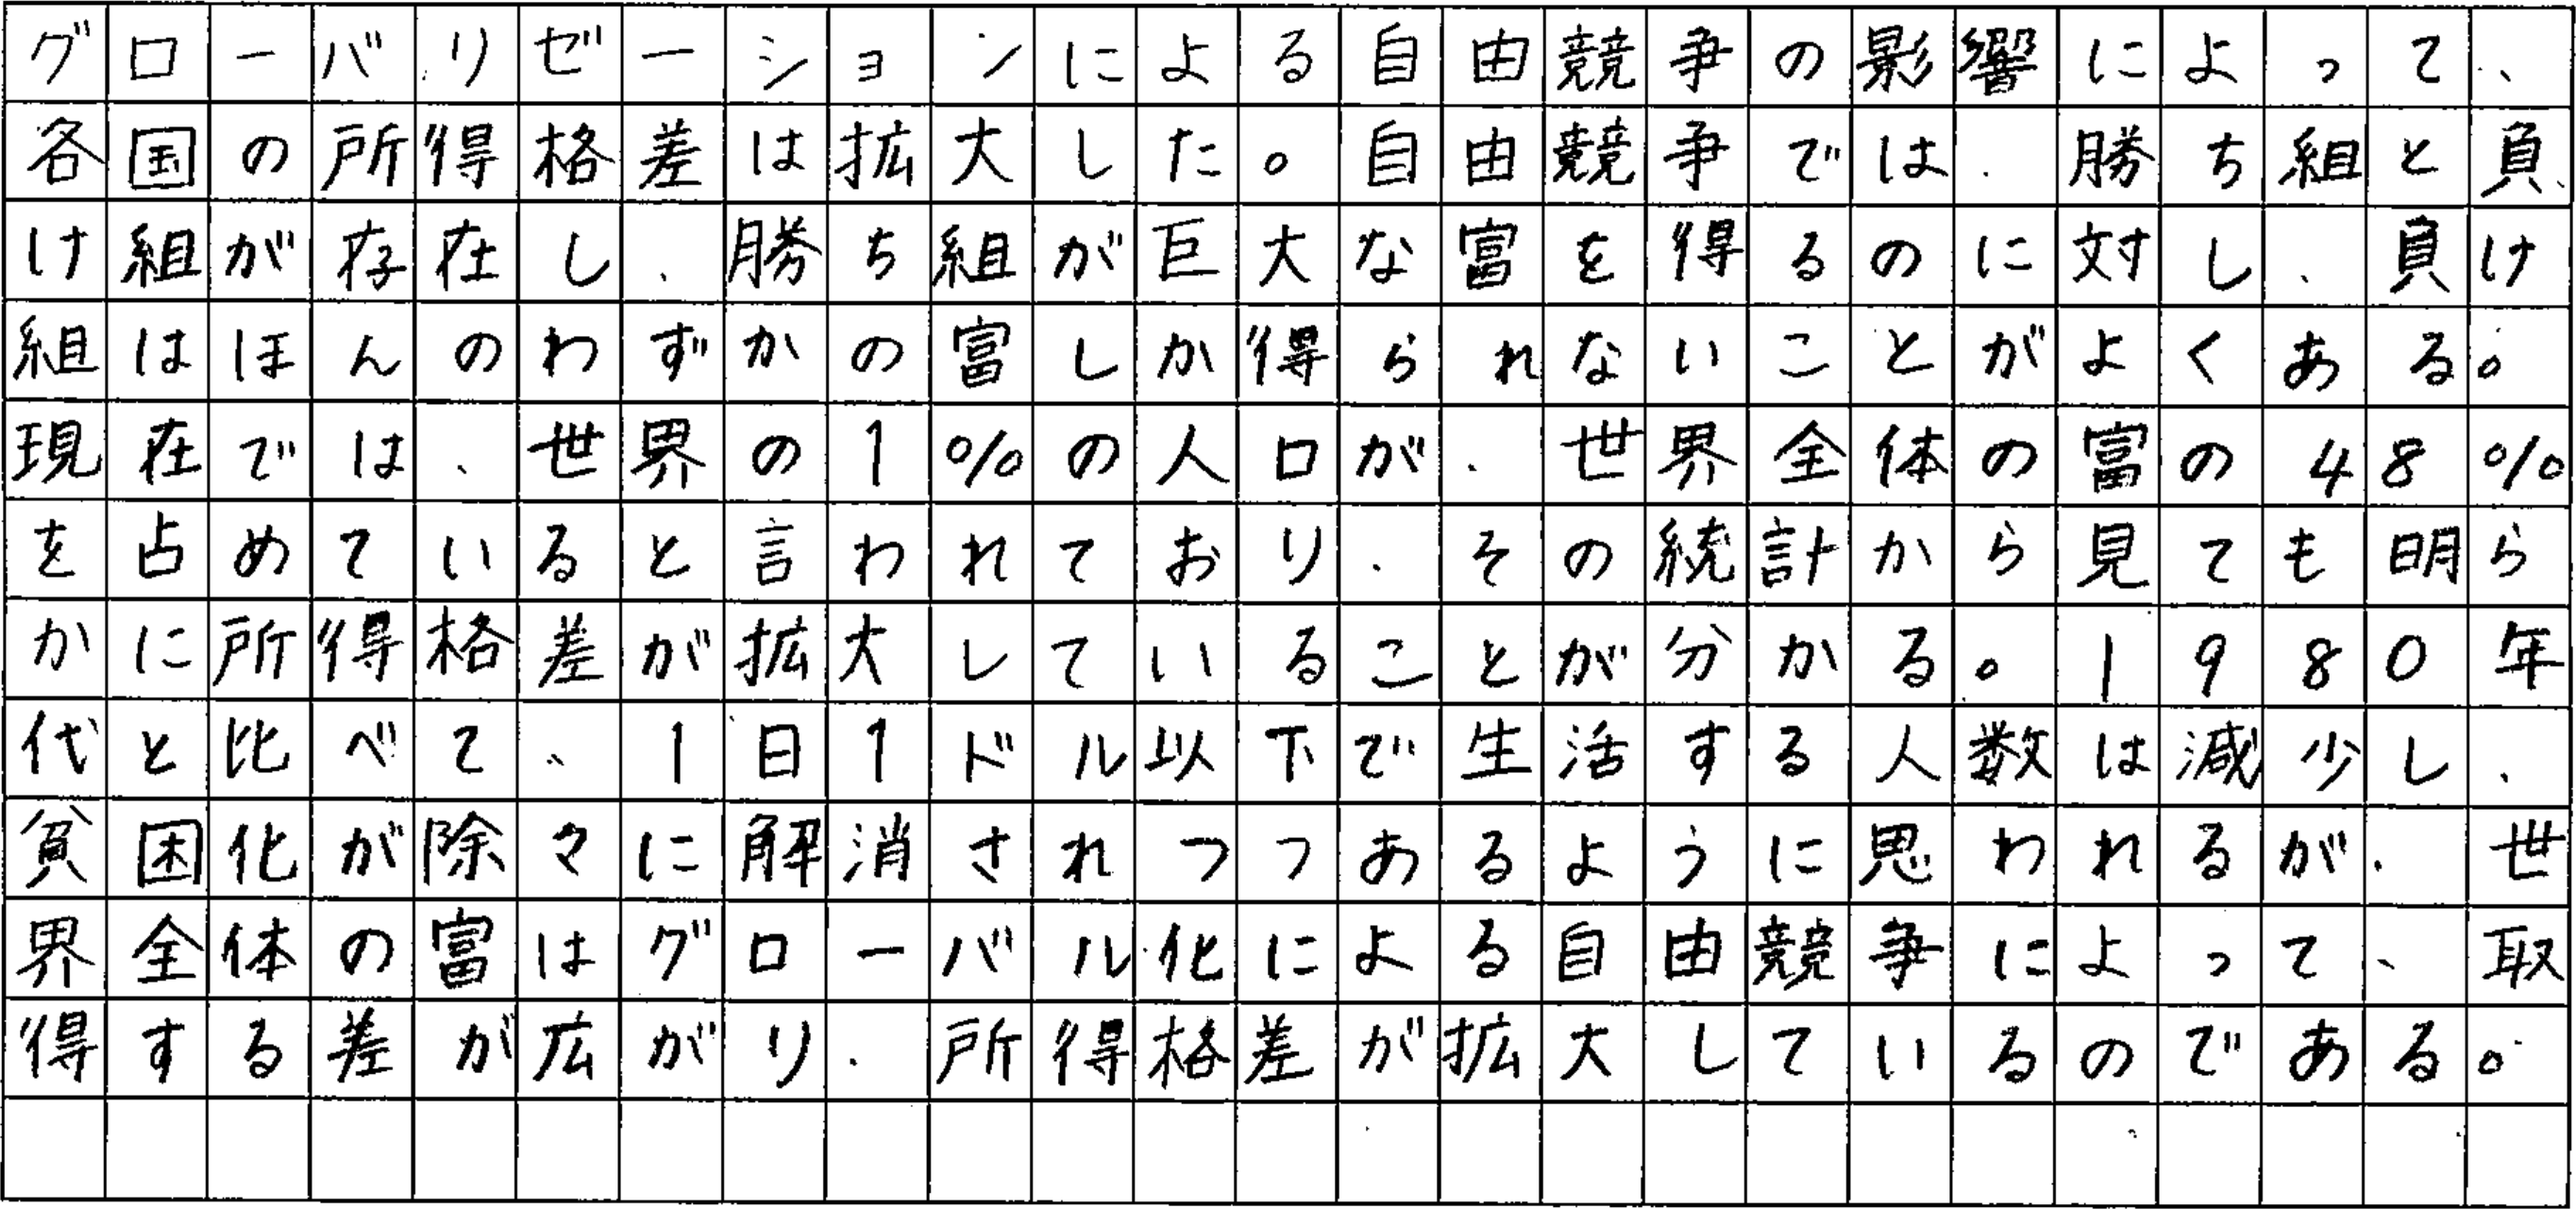グローバリゼーションによる自由競争の影響によって、各国の所得格差は拡大した。自由競争では、勝ち組と負け組が存在し、勝ち組が巨大な富を得るのに対し、負け組はほんのわずかの富しか得られないことがよくある。現在では、世界の１％の人口が、世界全体の富の４８％を占めていると言われており、その統計から見ても明らかに所得格差が拡大していることが分かる。１９８０年代と比べて、１日１ドル以下で生活する人数は減少し、貧困化が徐々に解消されつつあるように思われるが、世界全体の富はグローバル化による自由競争によって、取得する差が広がり、所得格差が拡大しているのである。
